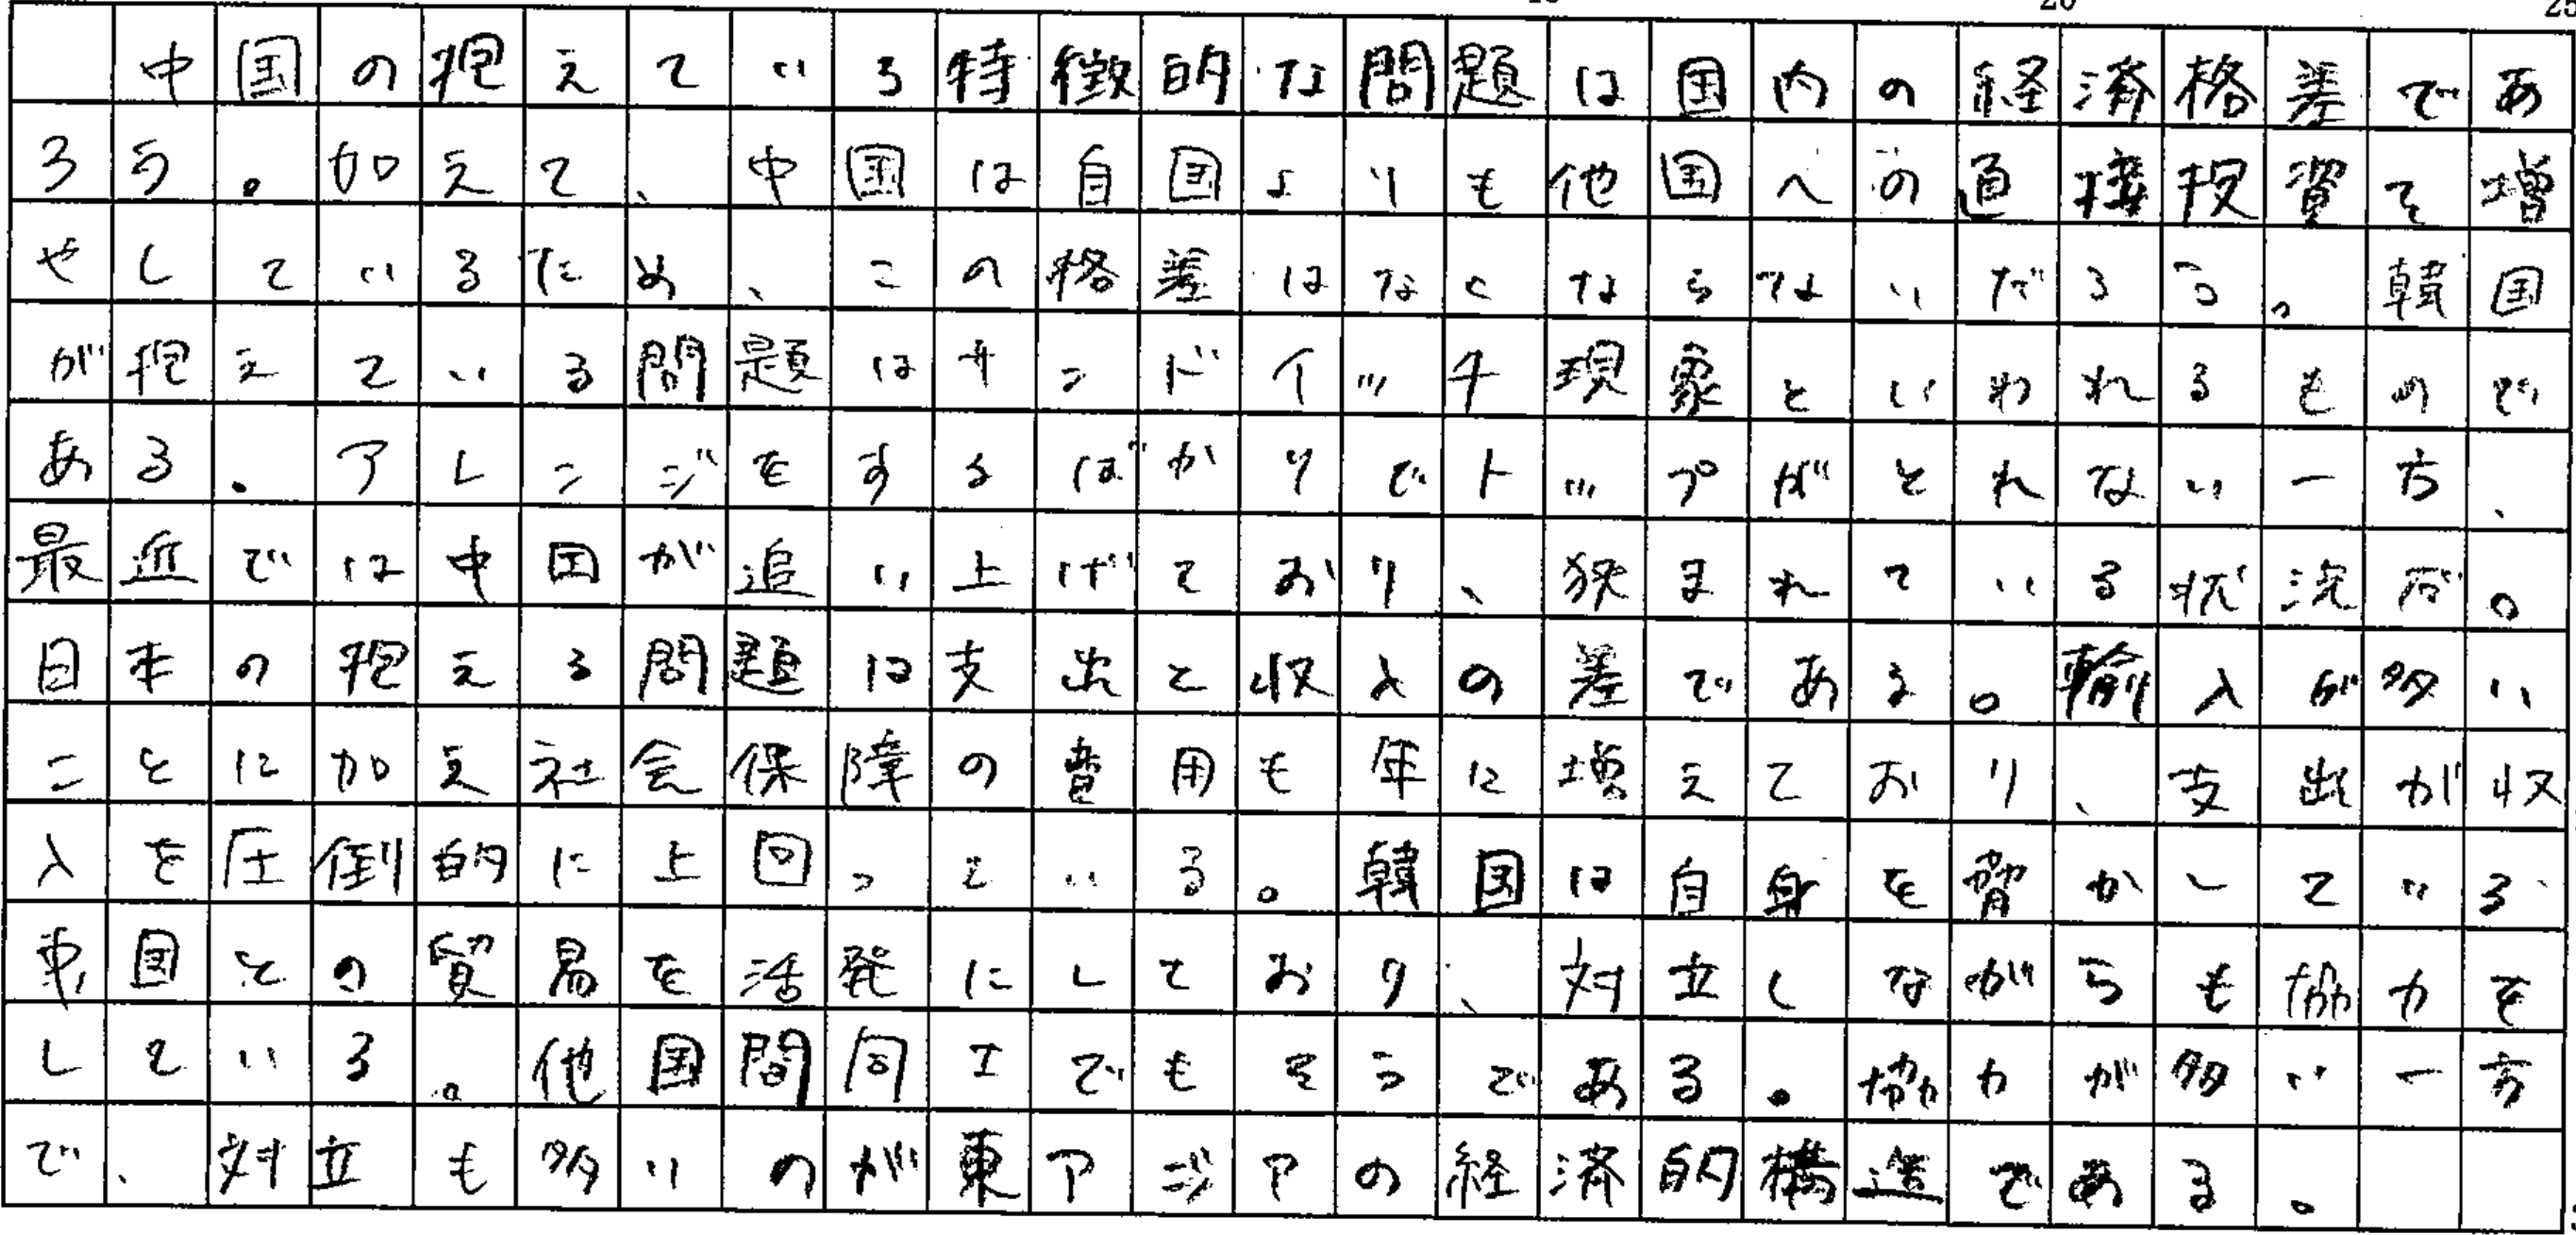　中国の抱えている特徴的な問題は国内の経済格差であろう。加えて、中国は自国よりも他国への直接投資を増やしているため、この格差はなくならないだろう。韓国が抱えている問題はサンドイッチ現象といわれるものである。アレンジをするばかりでトップがとれない一方、最近では中国が追い上げており、狭まれている状況だ。日本の抱える問題は支出と収入の差である。輸入が多いことに加え社会保障の費用も年々増えており、支出が収入を圧倒的に上回っている。韓国は自身を脅かしている中国との貿易を活発にしており、対立しながらも協力をしている。他国間同士でもそうである。協力が多い一方で、対立も多いのが東アジアの経済的構造である。
